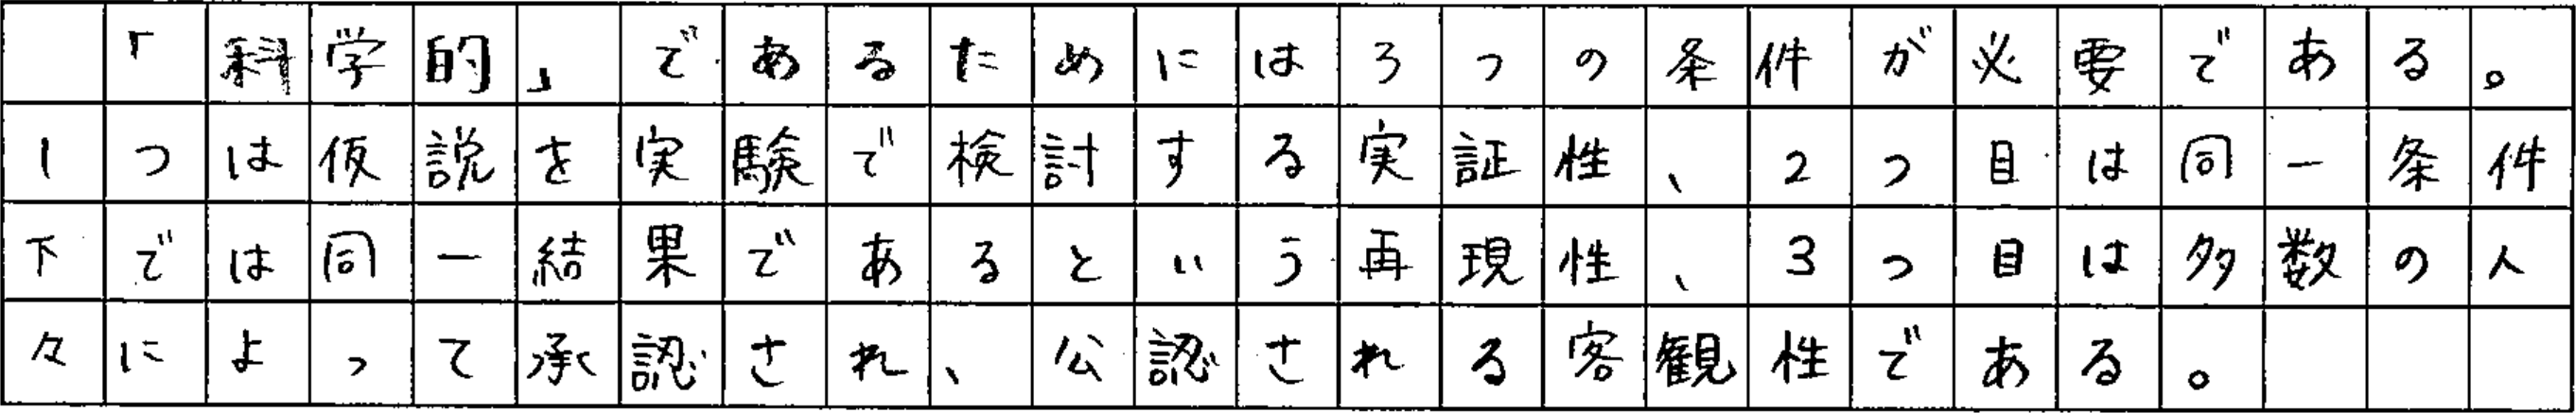　「科学的」であるためには３つの条件が必要である。１つは仮説を実験で検討する実証性、２つ目は同一条件下では同一結果であるという再現性、３つ目は多数の人々によって承認され、公認される客観性である。
